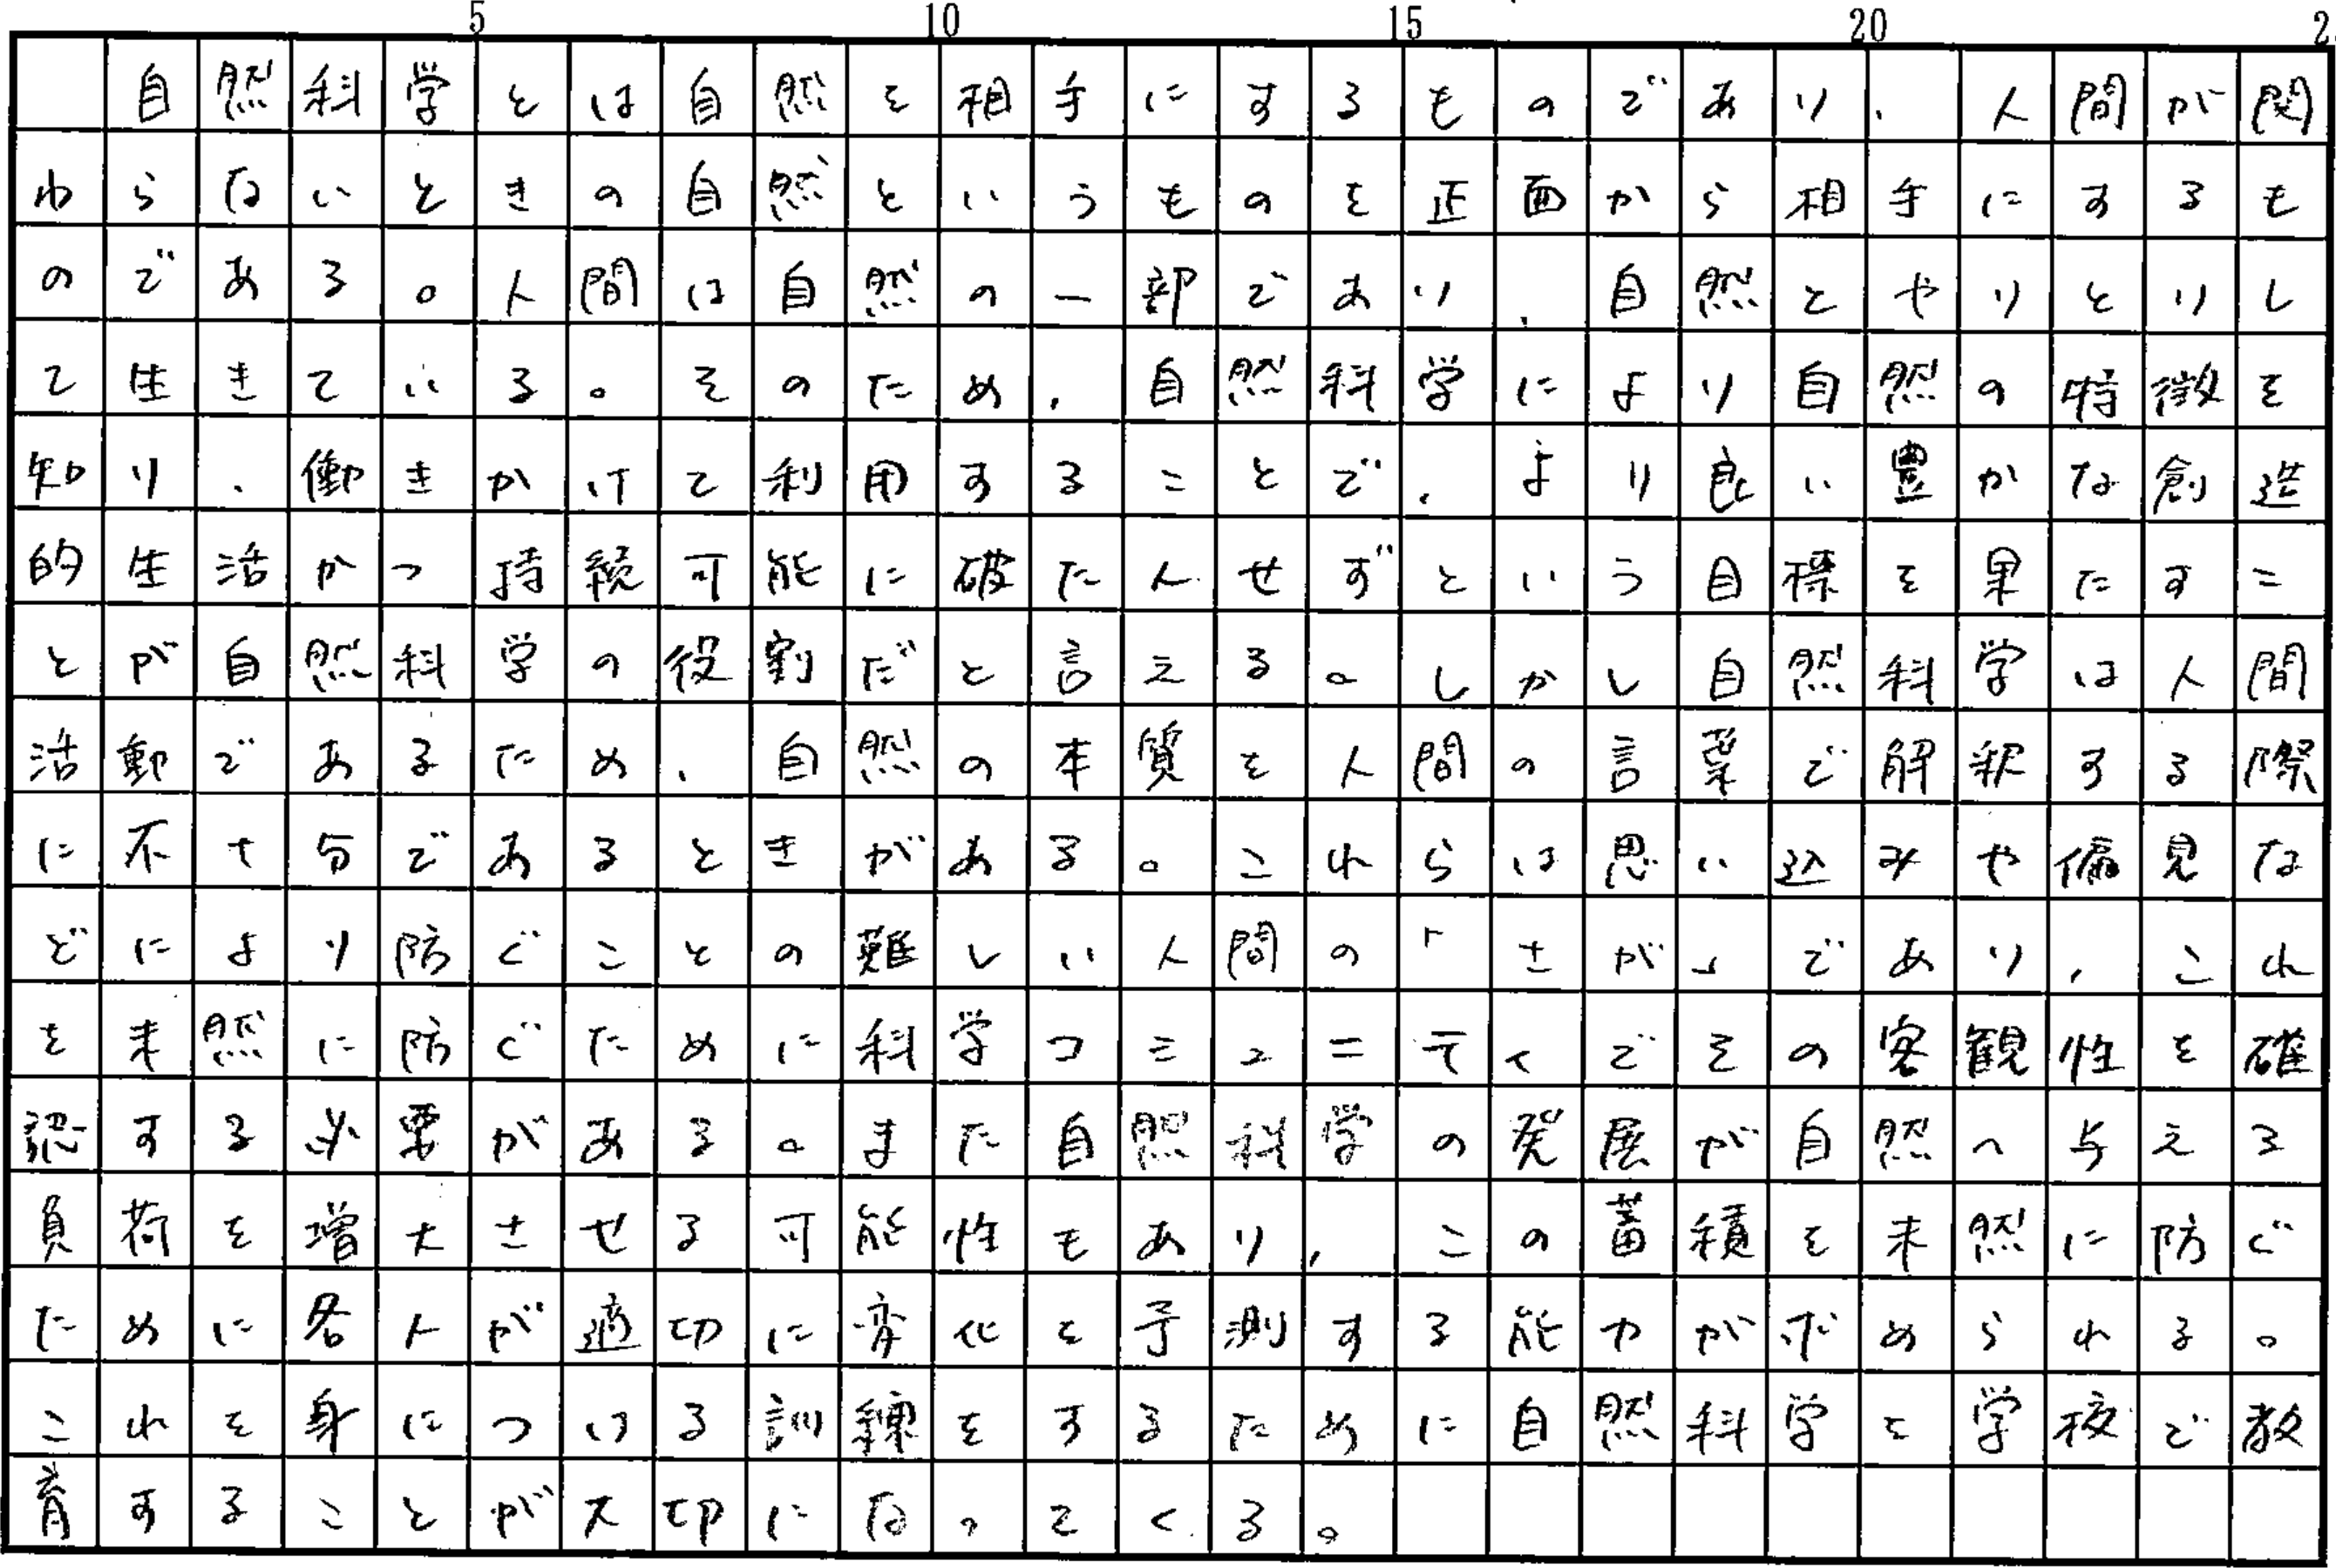　自然科学とは自然を相手にするものであり、人間が関わらないときの自然というものを正面から相手にするものである。人間は自然の一部であり、自然とやりとりして生きている。そのため、自然科学により自然の特徴を知り、働きかけて利用することで、より良い豊かな創造的生活かつ持続可能に破たんせずという目標を果たすことが自然科学の役割だと言える。しかし自然科学は人間活動であるため、自然の本質を人間の言葉で解釈する際に不十分であるときがある。これらは思い込みや偏見などにより防ぐことの難しい人間の「さが」であり、これを未然に防ぐために科学コミュニティでその客観性を確認する必要がある。また自然科学の発展が自然へ与える負荷を増大させる可能性もあり、この蓄積を未然に防ぐために各人が適切に変化を予測する能力が求められる。これを身につける訓練をするために自然科学を学校で教育することが大切になってくる。
